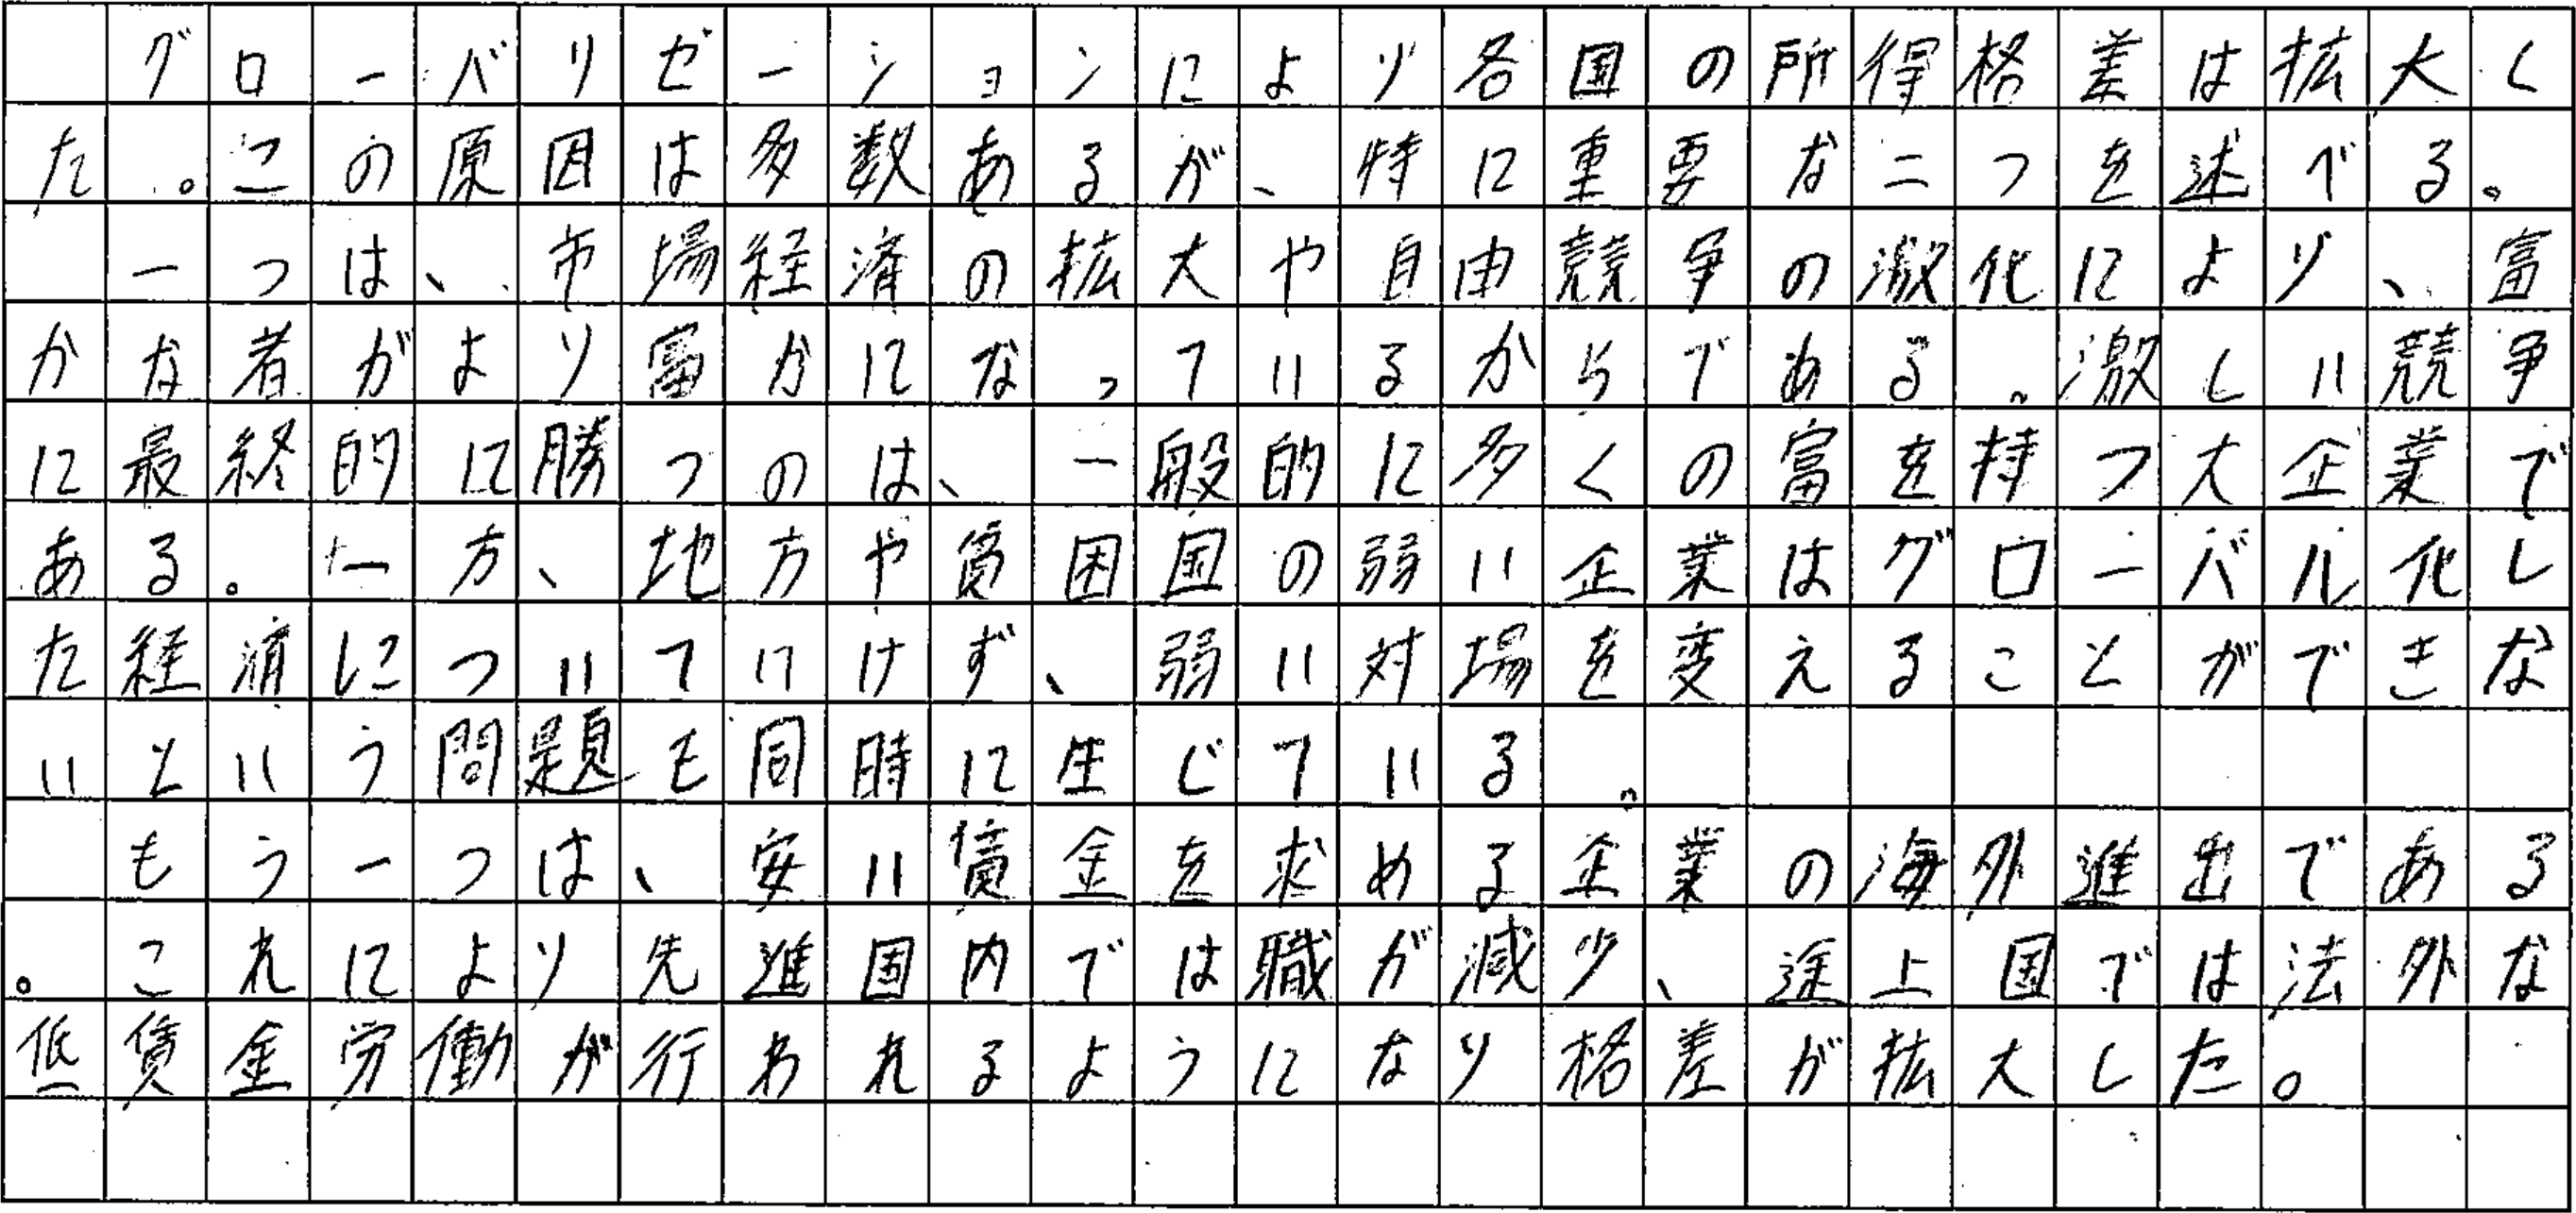　グローバリゼーションにより各国の所得格差は拡大した。この原因は多数あるが、特に重要な二つを述べる。
　一つは、市場経済の拡大や自由競争の激化により、富かなものがより富かになっているからである。激しい競争に最終的に勝つのは、一般的に多くの富を持つ大企業である。一方、地方や貧困国の弱い企業はグローバル化した経済についていけず、弱い対場を変えることができないという問題も同時に生じている。
　もう一つは、安い賃金を求める企業の海外進出である。これにより先進国内では職が減少、途上国では法外な低賃金労働が行われるようになり格差が拡大した。
